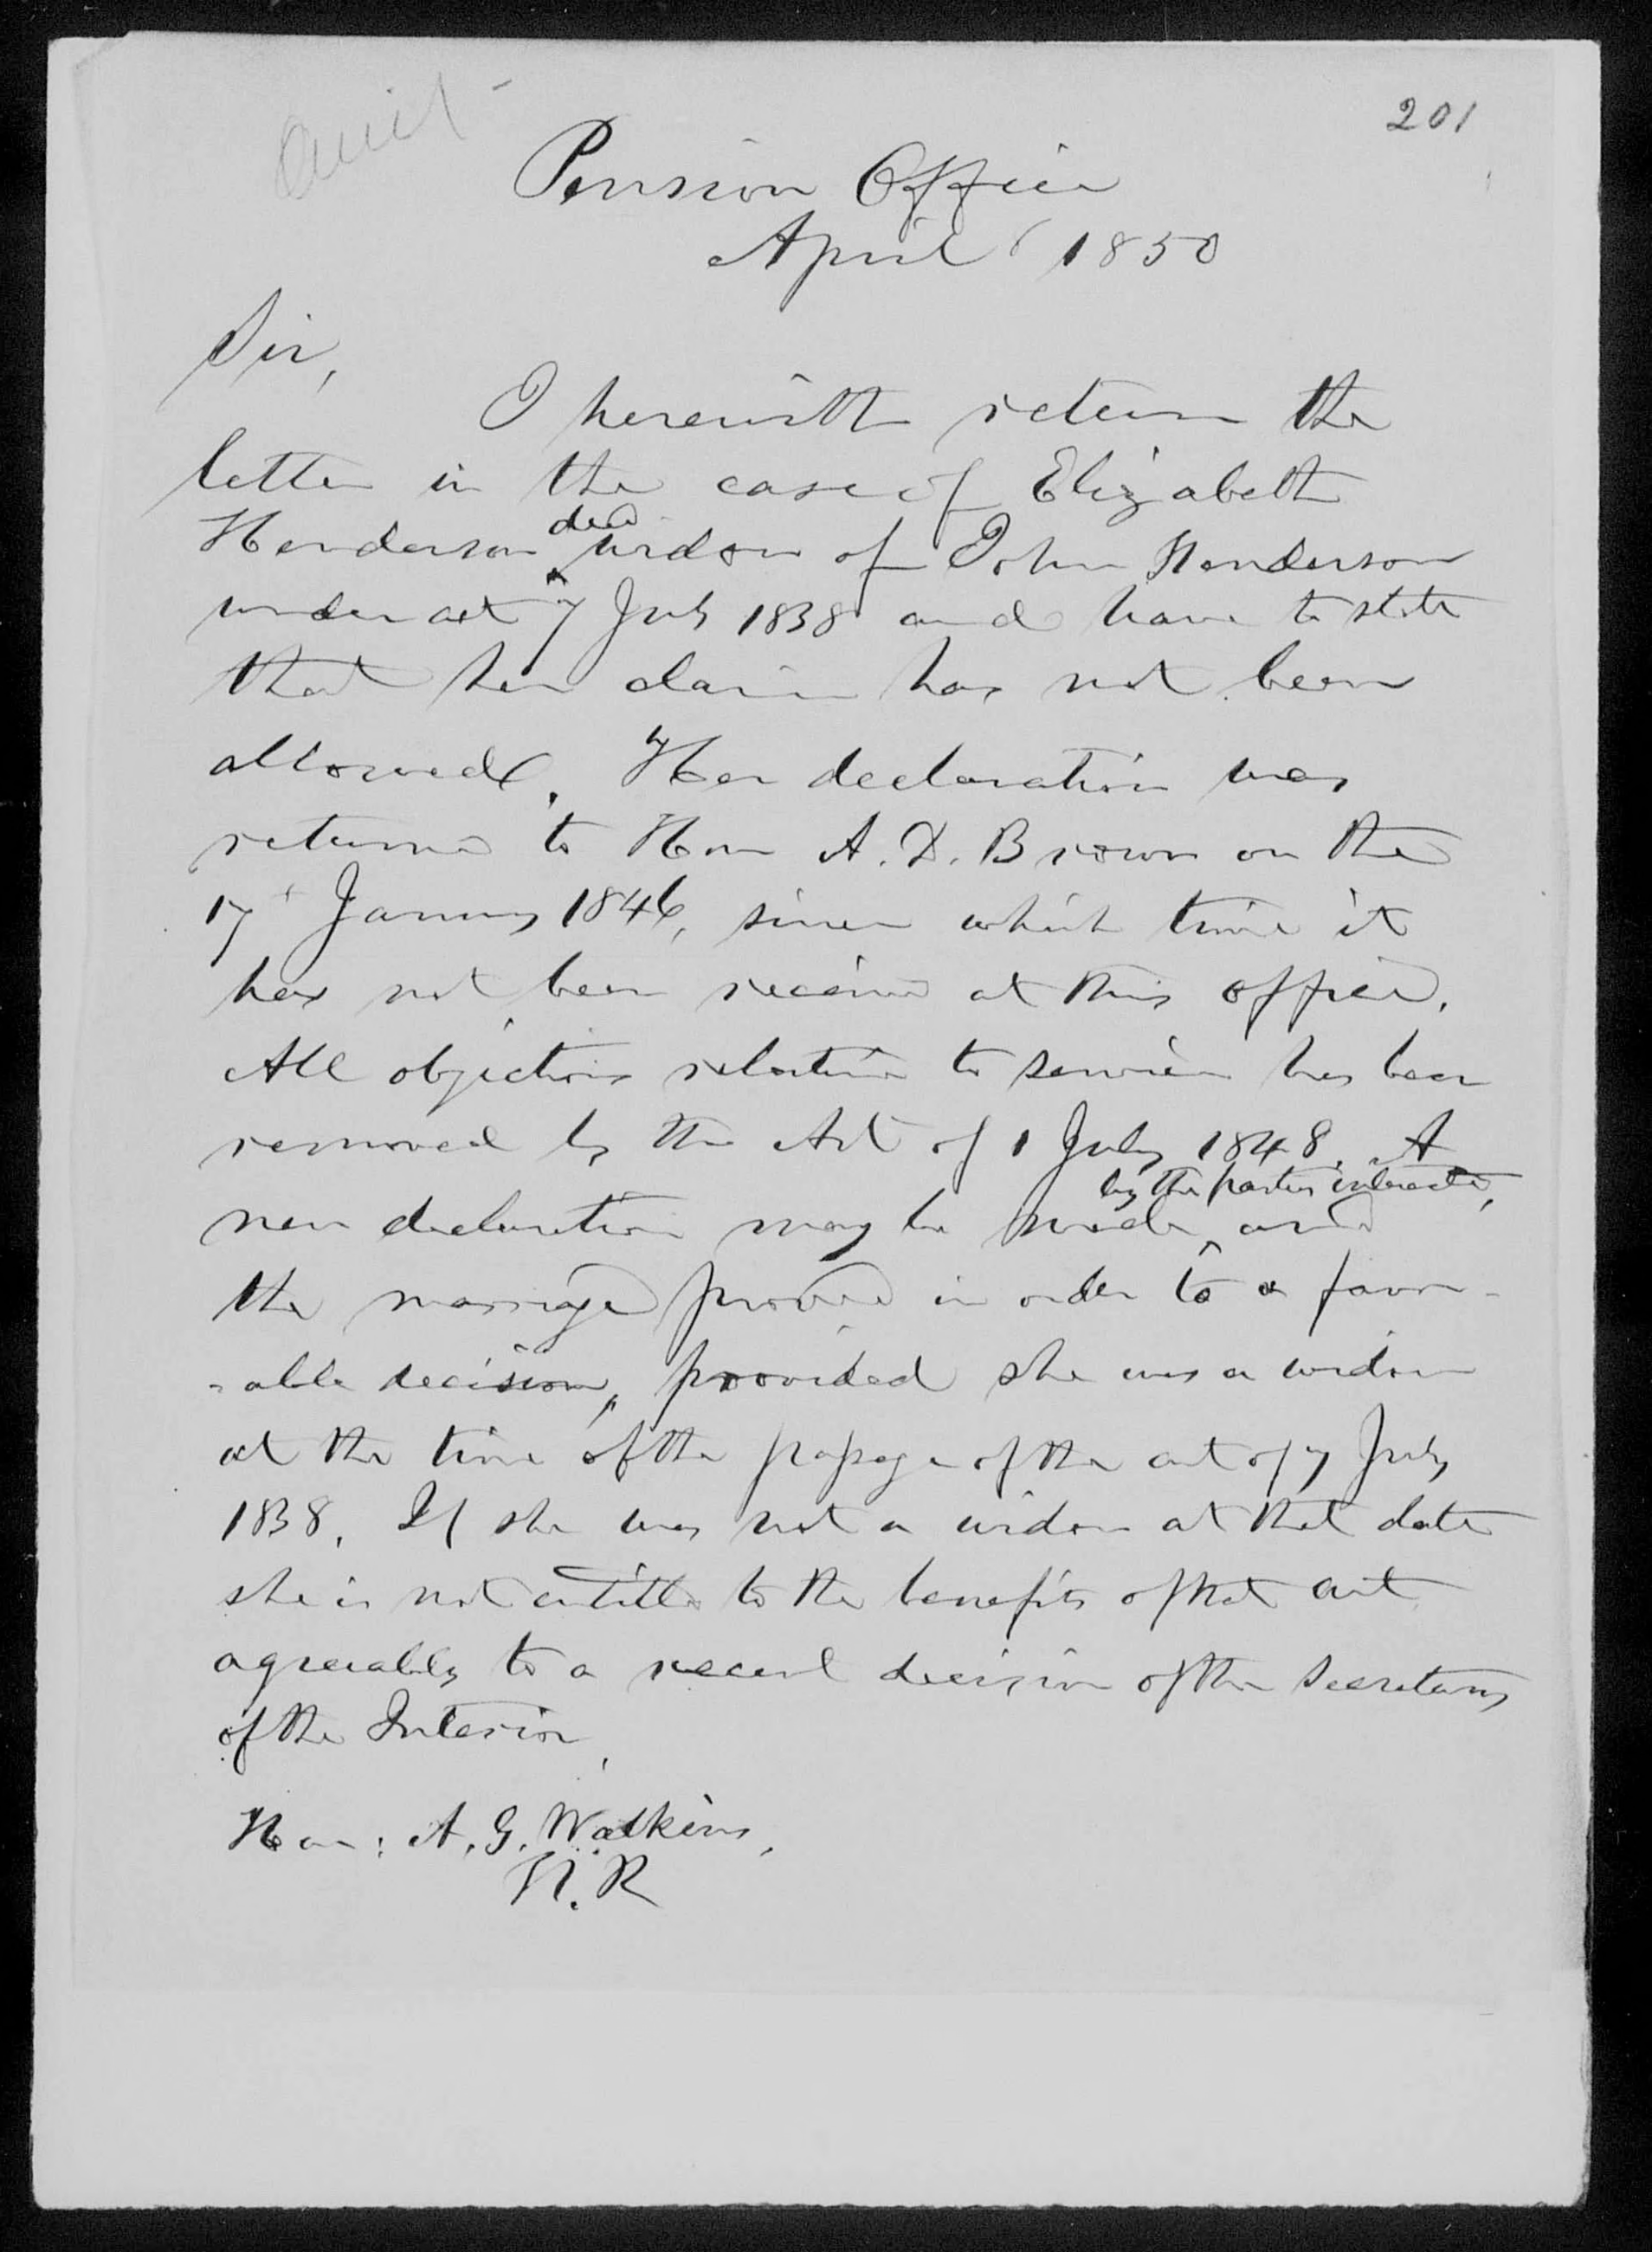201
Pension Office
April 1850
Sir,
I herewith return the letter in the case of Elizabeth Henderson decd widow of John Henderson under act of 7 July 1838 and have to state that her claim has not been allowed. Her declaration was returned to Hon A.D. Brown on the 17th January 1846, since which time it has not been received at this office. All objections relative to service has been removed by the Act of 1 July 1848. A new declaration may be made by the parties interested, and the marriage proved in order to a favorable decision, provided she was a widow at the time of the passage of the Act of 7 July 1838. If she was not a widow at that date she is not entitled to the befits of that act agreeably to a recent decision of the Secretary of the Interior.
War: A.G. Watkins, N.R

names: A D Brown, John Henderson, A G Watkins, Elizabeth Henderson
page: 36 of 40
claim: rejected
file: R. 4,869, John Henderson, S.C.